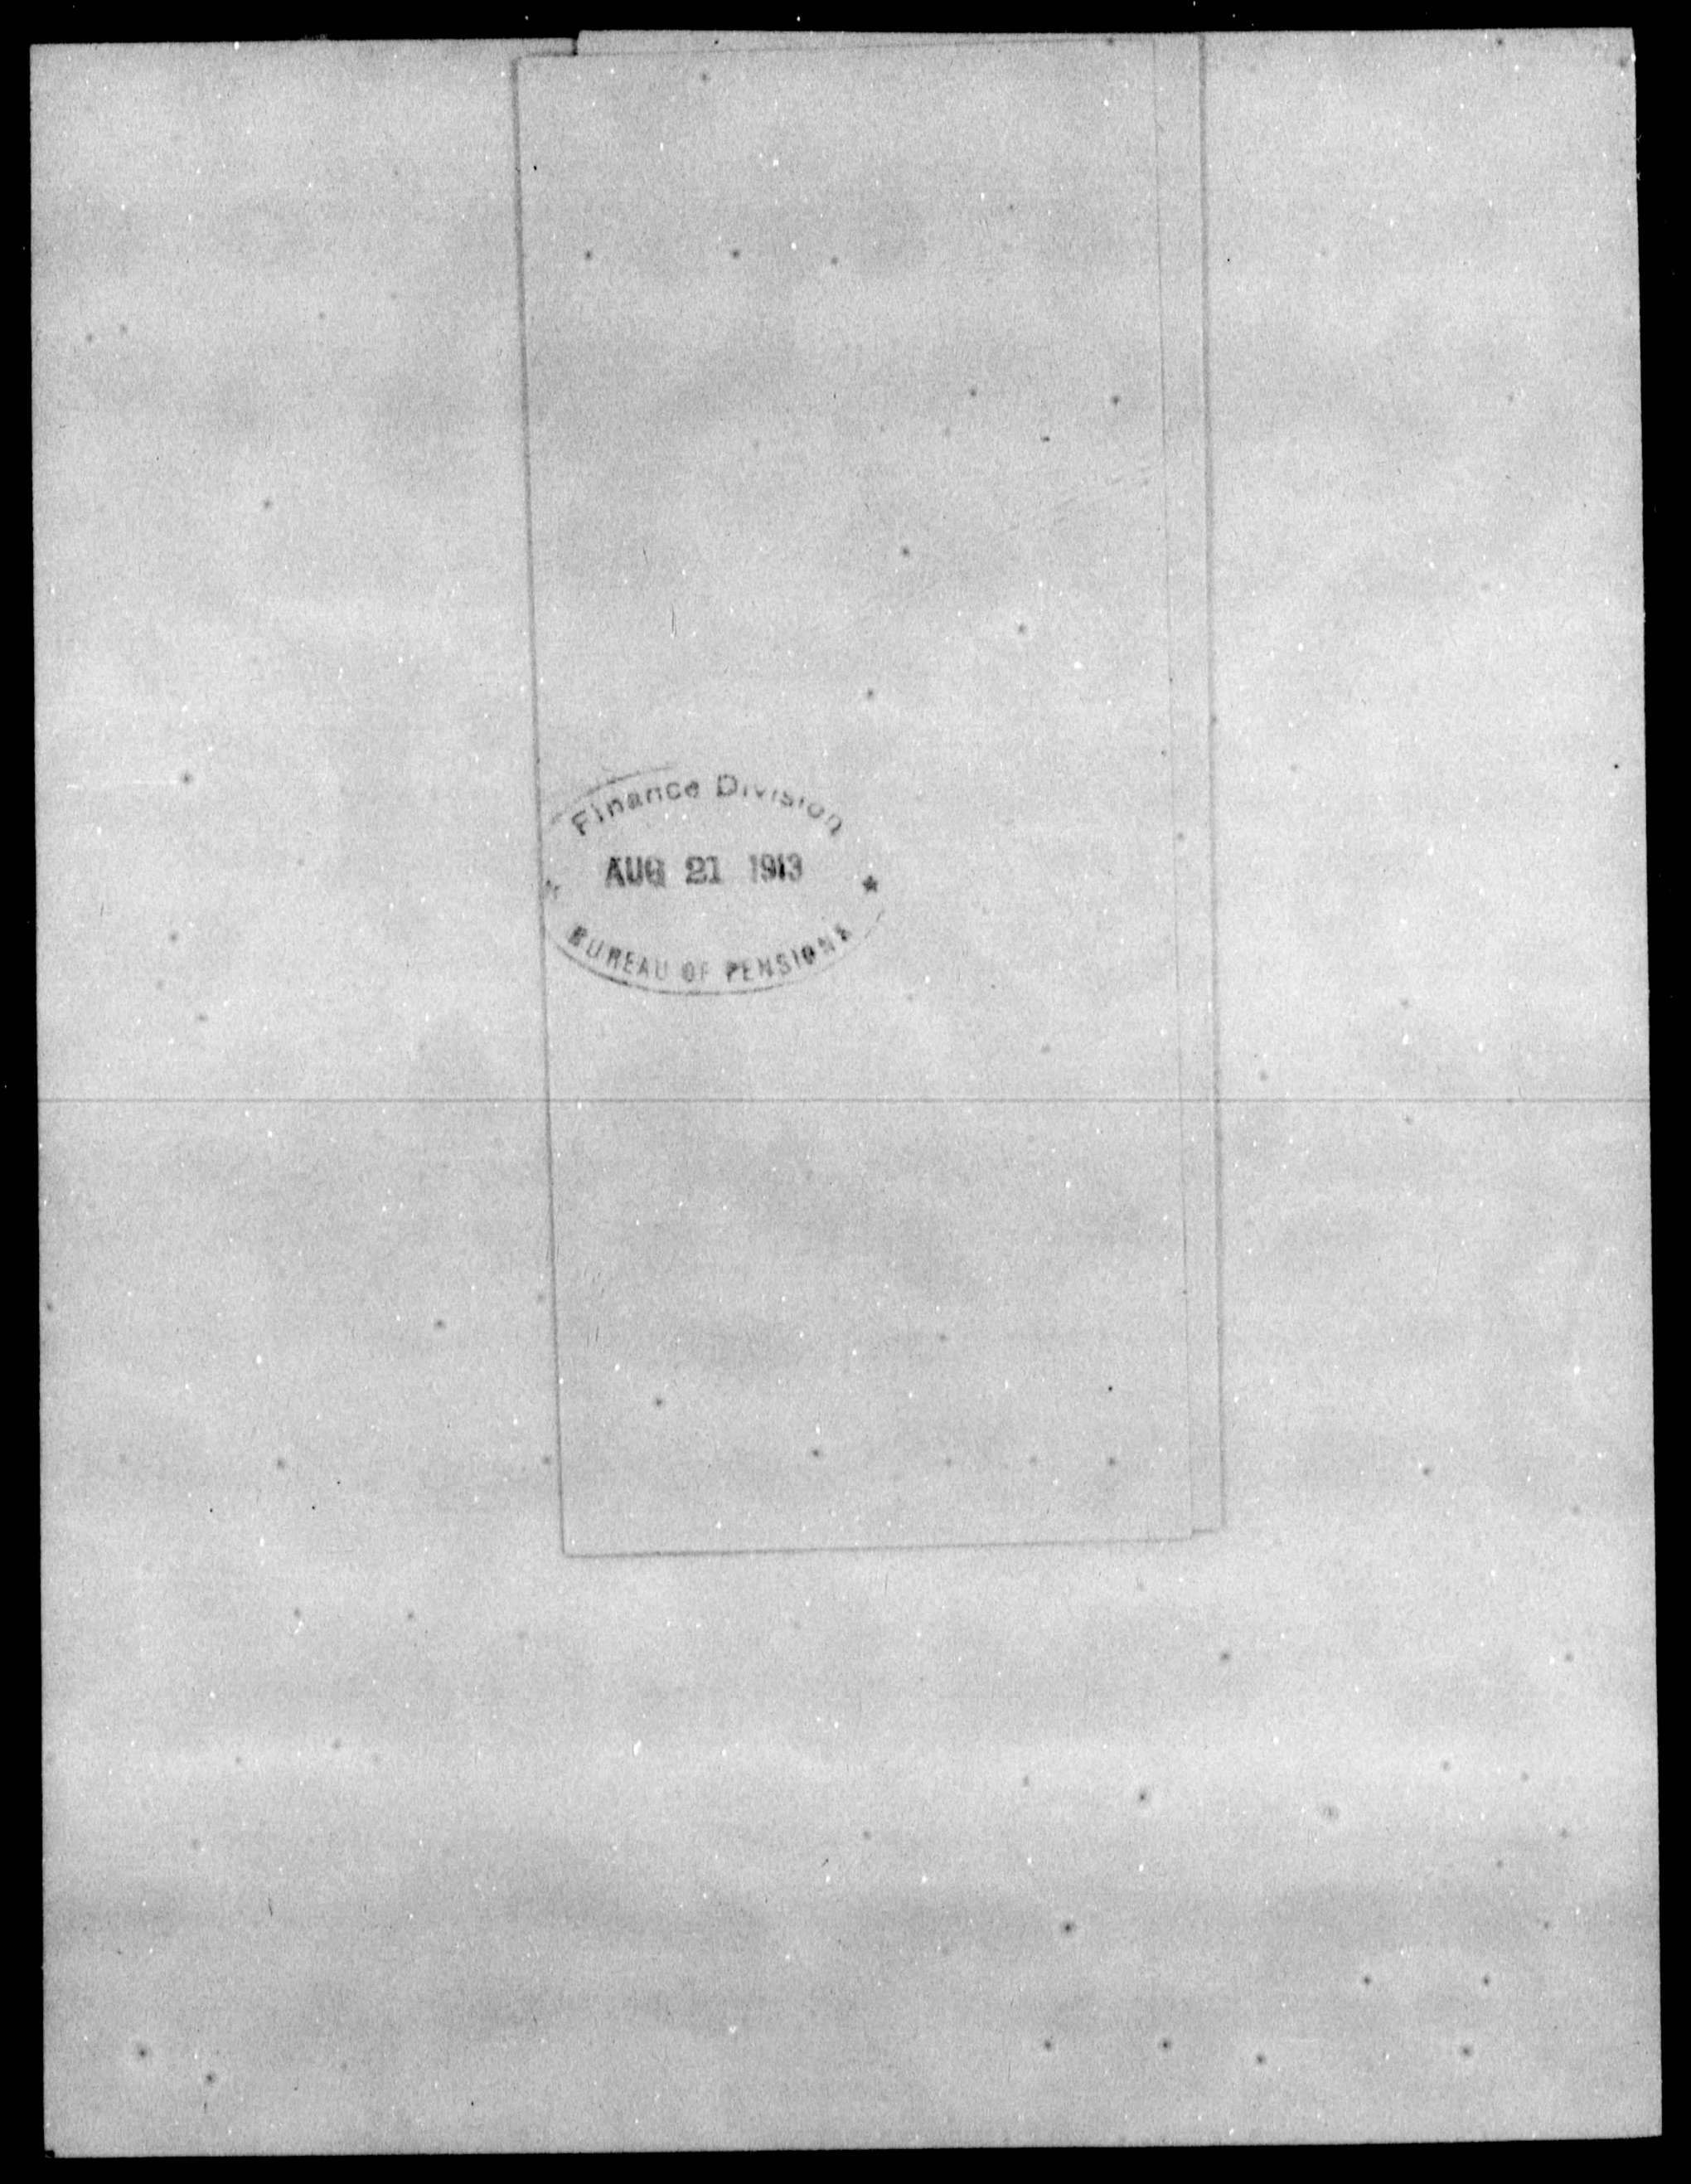[Paper blank except for oval stamp in center reading: Finance Division
Bureau of Pensions
Aug 21 1913]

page: 47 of 59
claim: bounty land warrant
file: B.L.Wt. 2359-500, for Owen Roberts, South Carolina